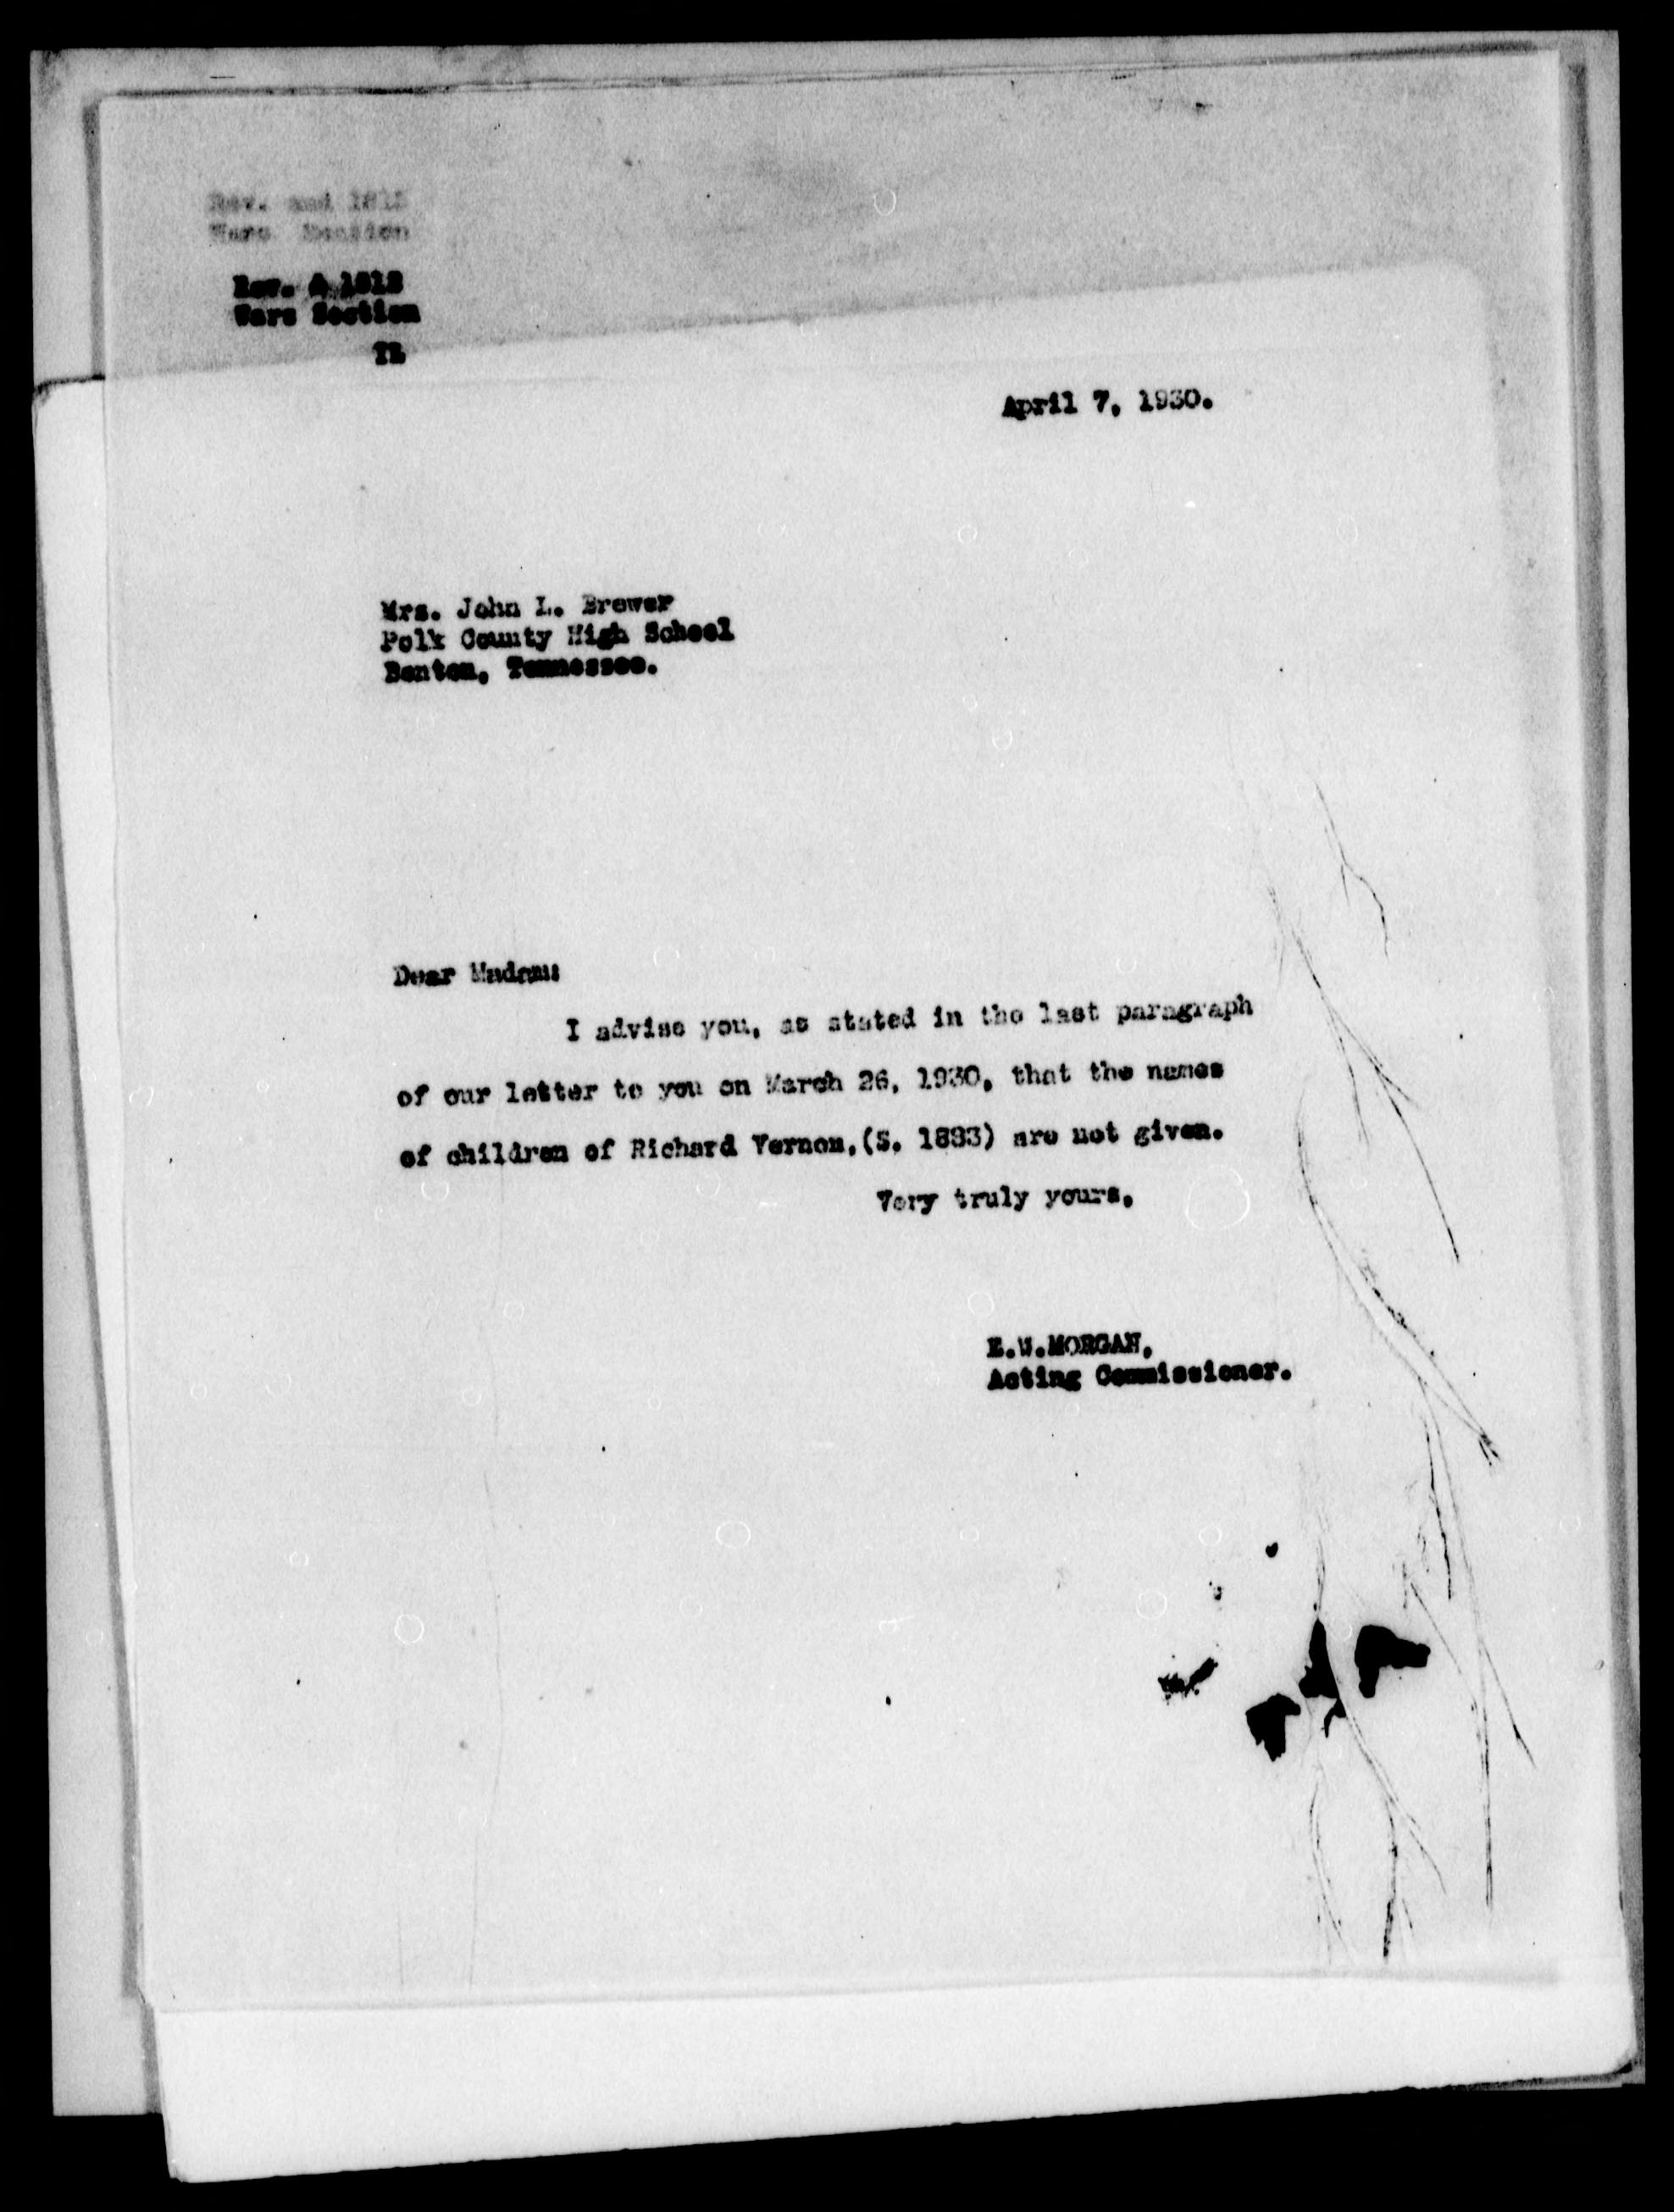Rev. and 1812
Wars Section

April 7, 1930.
Mrs. John L. Brewer
Polk County High School
Benton, Tennessee.
Dear Madam:
I advise you, as stated in the last paragraph of our letter to you on March 26, 1920, that the names of children of Richard Vernon, (S. 1883) are not given.
Very truly yours,
E. W. MORGA 
Acting Commissioner.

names: E W Morgan, John L Brewer, Richard Vernon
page: 84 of 105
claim: survivor's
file: S. 1883, Richard Vernon, N.C.